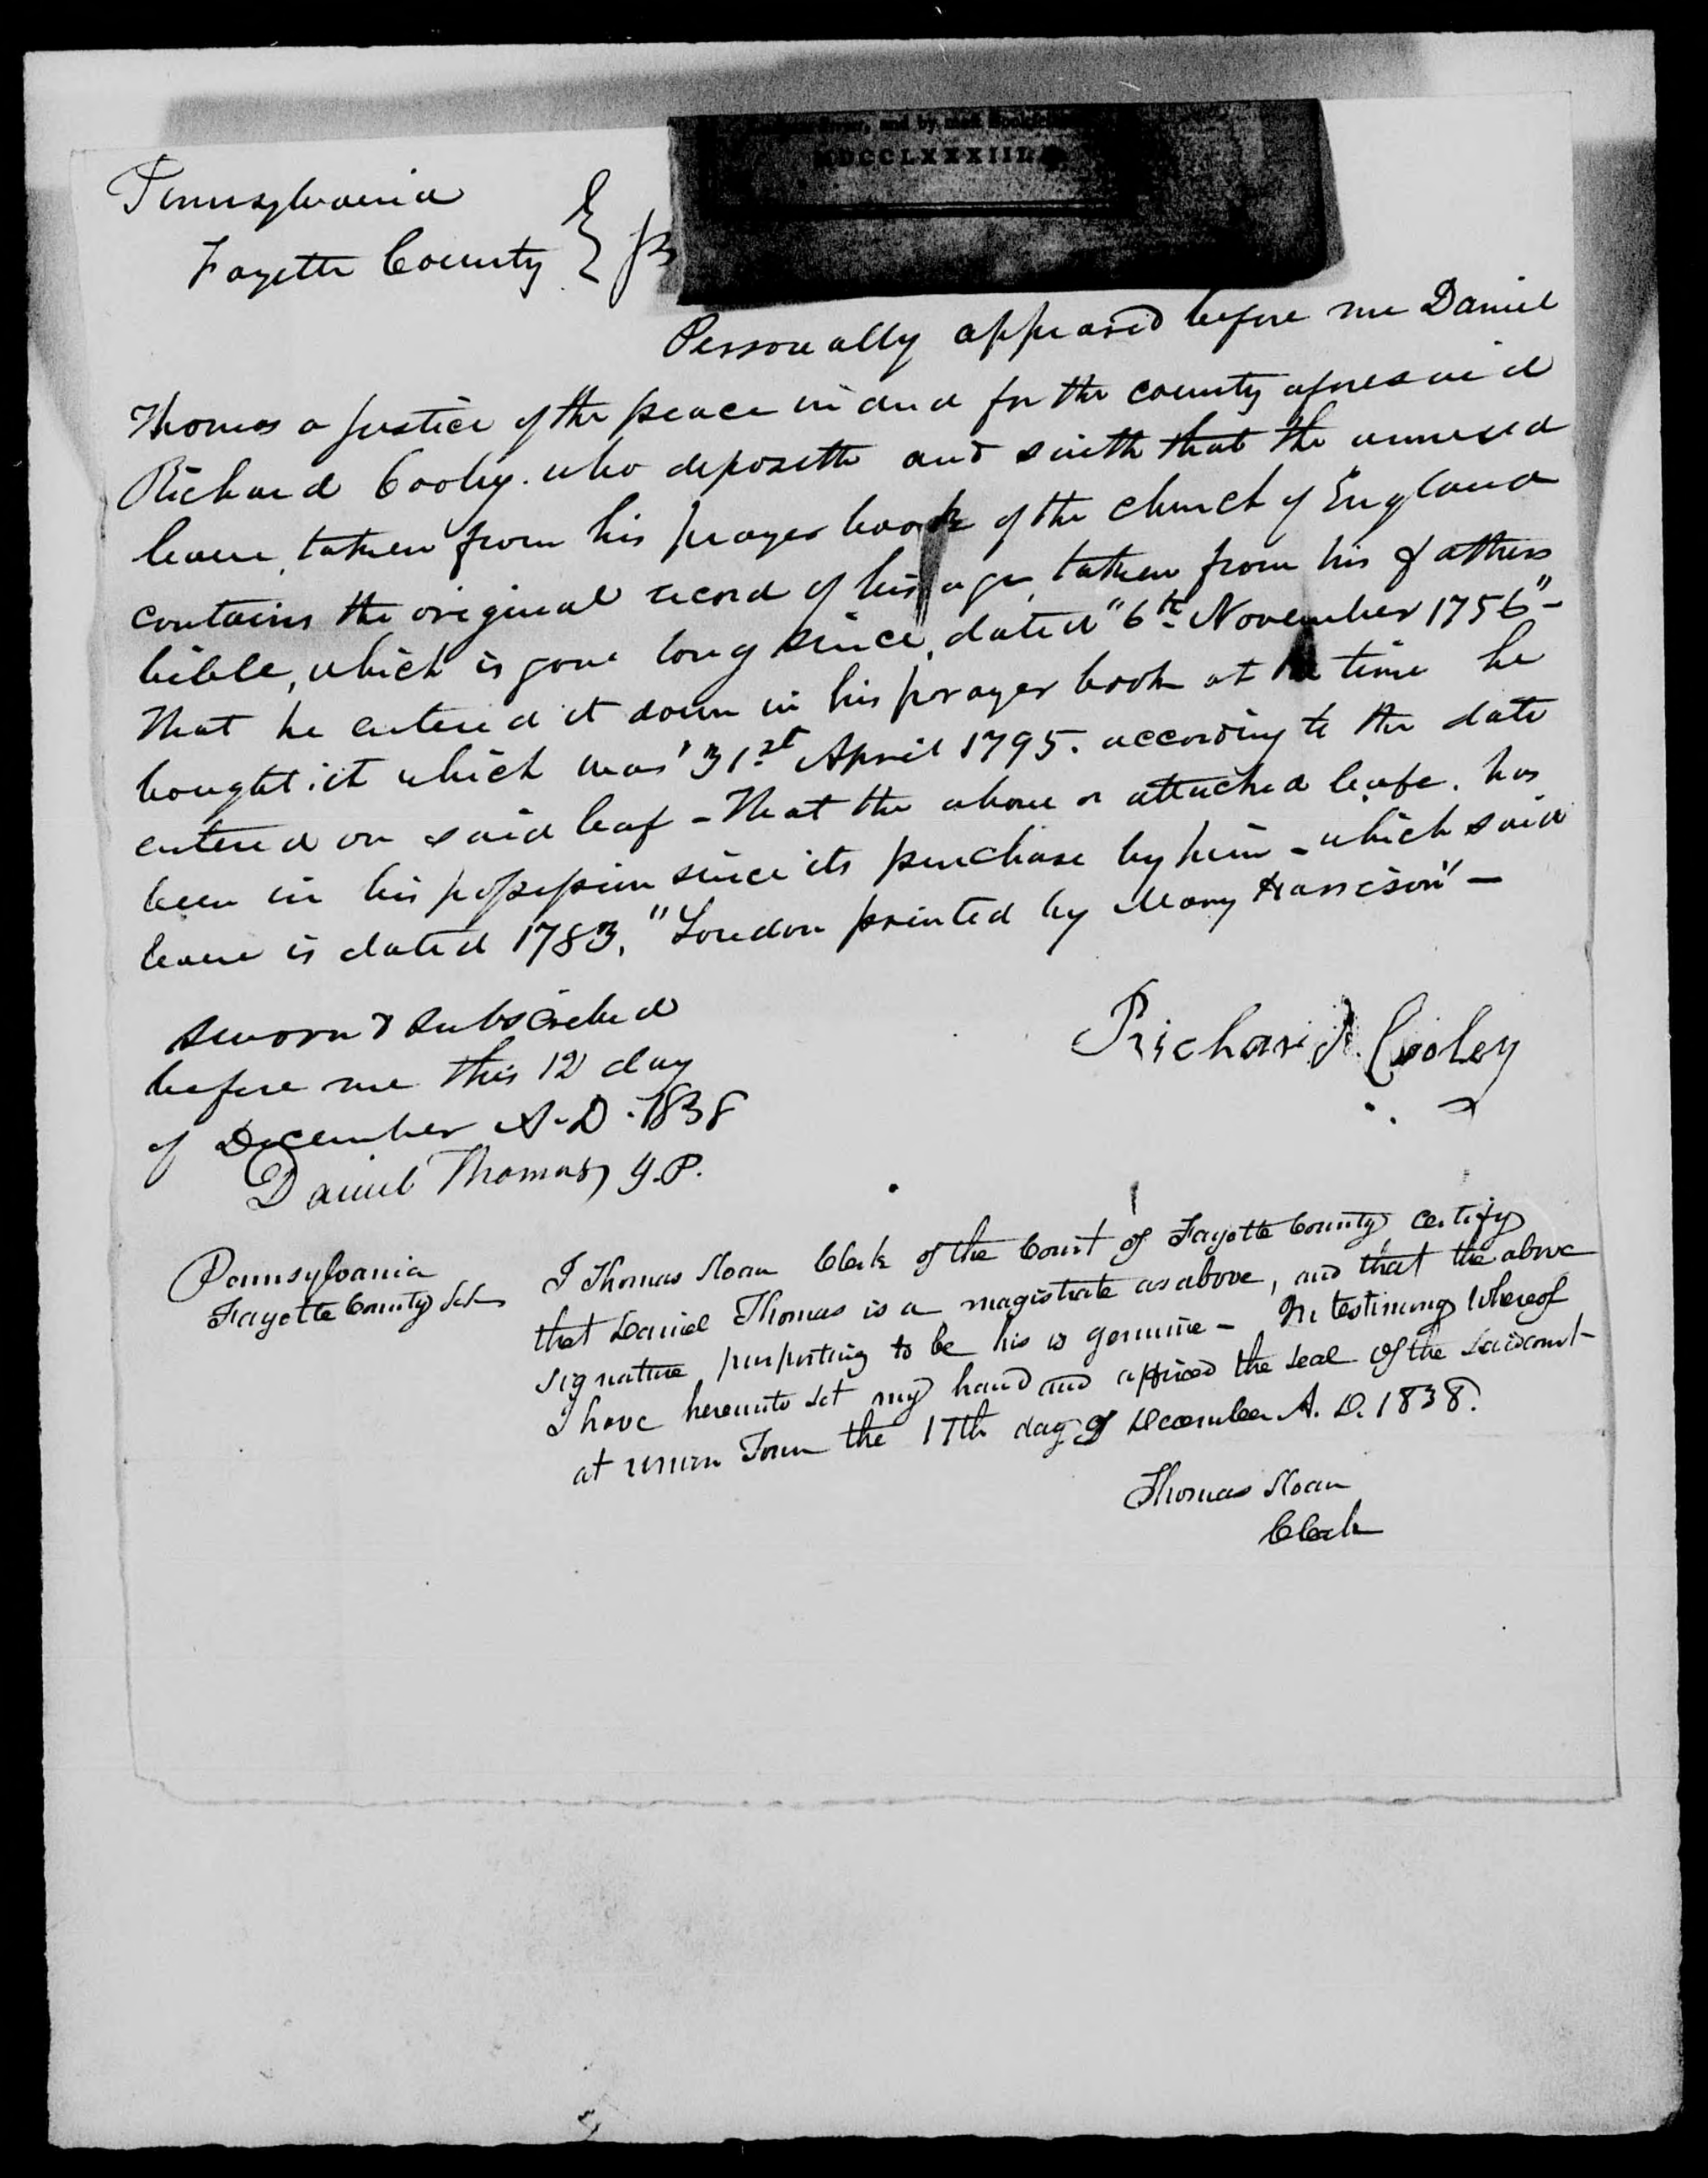[words illegible] and by [words illegible]
MDCCLXXXIII

Pennsylvania }
Fayette County } [illegible]

Personally appeared before me Daniel Thomas a Justice of the peace in and for the county aforesaid Richard Cooley who deposeth and saith that the [illegible] leave taken from his prayer book of the church of England contains the original record of his age taken from his fathers bible, which is gone long since, dated "6th November 1756"- that he entered it down in his prayer book at the time he bought it which was '31st April 1795. according to the date entered on said leaf - that the above or aattached leafs has been in his possession since its purchase by him - which said leave is dated 1783. "London printed by Mary Harrison" - 
Richard Cooley 
Sworn & subscribed before me this 12 day of December A.D. 1838
David Thomas Y.P.

Pennsylvania Fayette County [illegible]
I Thomas Sloan Clerk of the Court of Fayette County certify that David Thomas is a magistrate as above, and that the above signature purporting to be his is genuine - In testimony whereof I have hereunto set my hand and affixed the seal of the said court at union Town the 17th day of December A.D. 1838.
Thomas Sloan Clerk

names: Thomas Sloan, Richard Cooley, Mary Harrison, Daniel Thomas, Richard Cooley, Thomas Sloan, Daniel Thomas, Daniel Thomas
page: 14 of 19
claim: rejected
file: R. 2,283, Richard Cooley, Md.